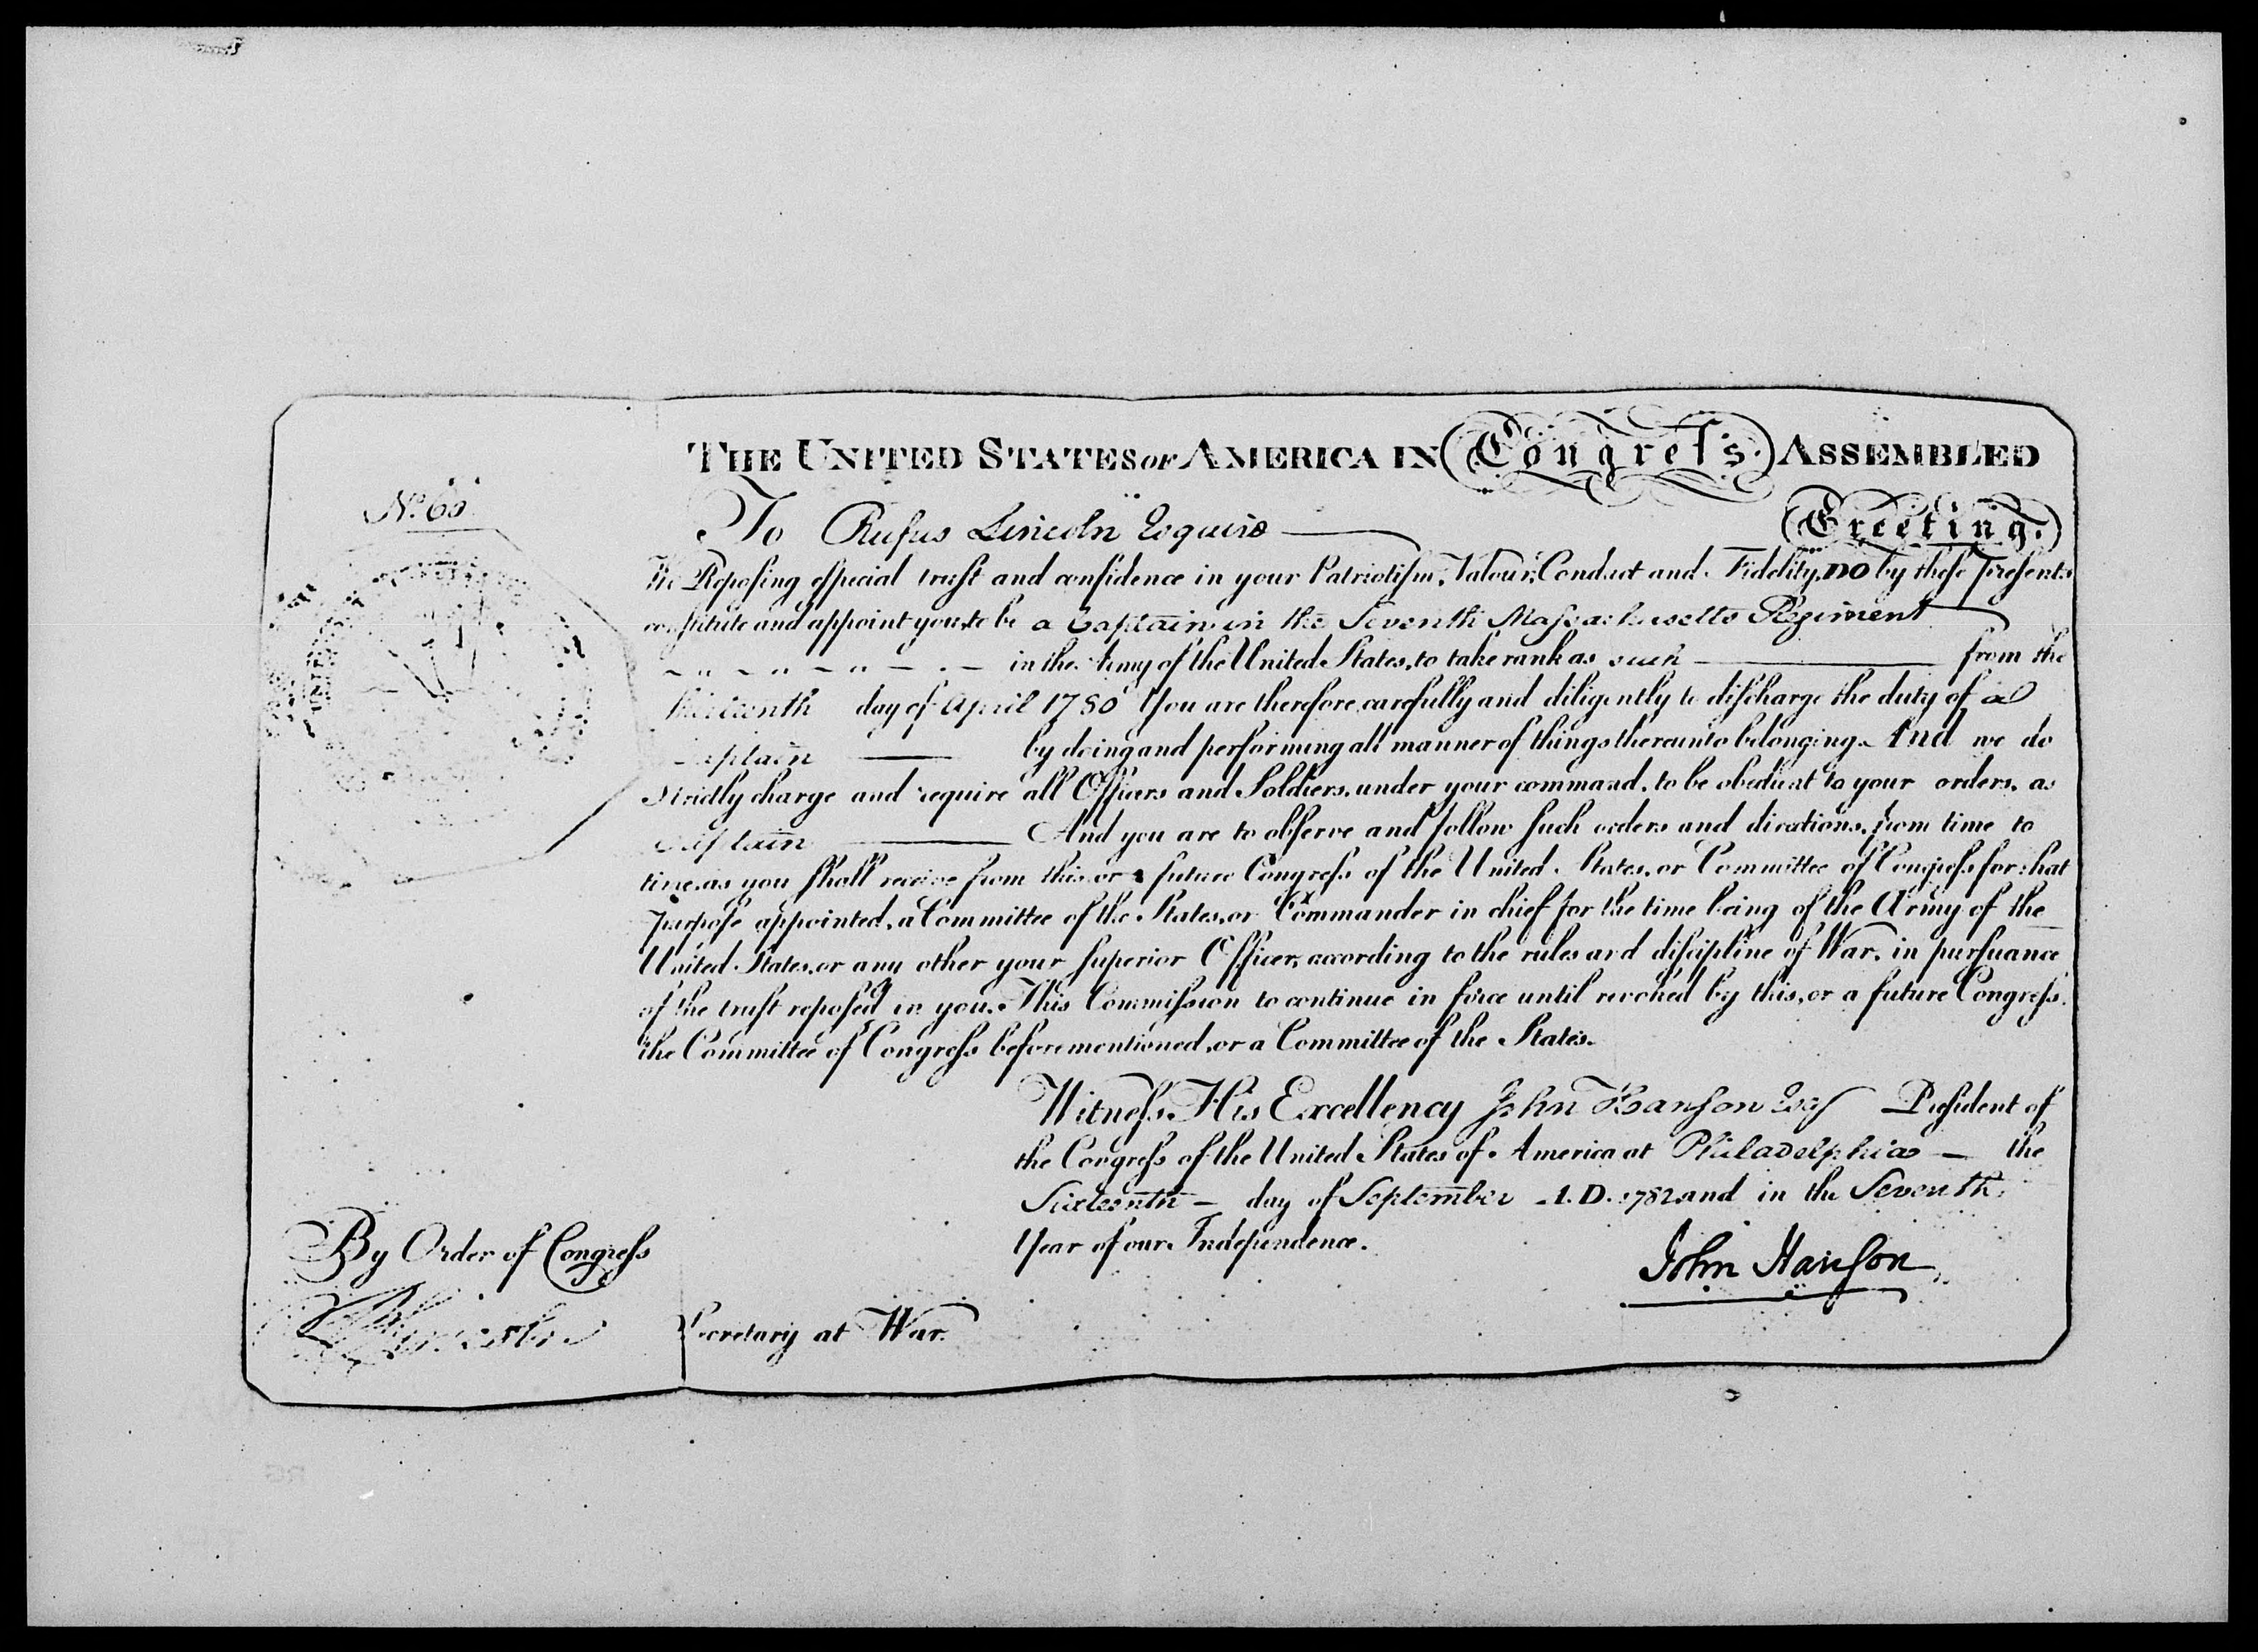.

THE UNITED STATES OF AMERICA IN CONGRESS ASSEMBELED

To Rufus Lincoln Esquire
---
Greeting
The Reposing special trust and confidence in your Patriotism, Vabour, Conduct and Fidelity DO by these presents constutute and appoint
trate and appoint you to be a Captain in the Seventh Massachusetts Regiment, in the Army of the United States, to take the rank as such--
from the Thirteenth day of April 1780, you are threrefore carefully and diligently to discharge the duty of a captain by doing and performing all manner of things thereunto belonging. And we do strictly charge and require all Officers and soldiers under your command to be obedient to your orders as Captain---- and you are to observe and follow such orders and directions, from time to time, as you shall receive from this or a future Congress of the United States or Committee of Congress for that propose appointed  a Committee of the States, or the Commander in chief for the time being of the Army of the Unted States or any other your superior Officer, according to the rules and discipline of War in pursuance
of the trust reposed in you. This Commission to continue in force until revoked by this, or a future Congress. The Committee of Congress before mentioned, or a Committee of the States
Witness His Excellency John Hanson Esq
President of the Congress of the United States of America at Philadelphia--the sixteenth    
day of September a.d. 1782 and in the seventh year of our Independence.
 John Hanson

    By Order of Congress   
   Benjamin Lincoln,  Secretary of War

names: Rufus Lincoln; John Hanson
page: 15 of 82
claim: widow's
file: W. 13,634, for Rufus Lincoln, Massachusetts